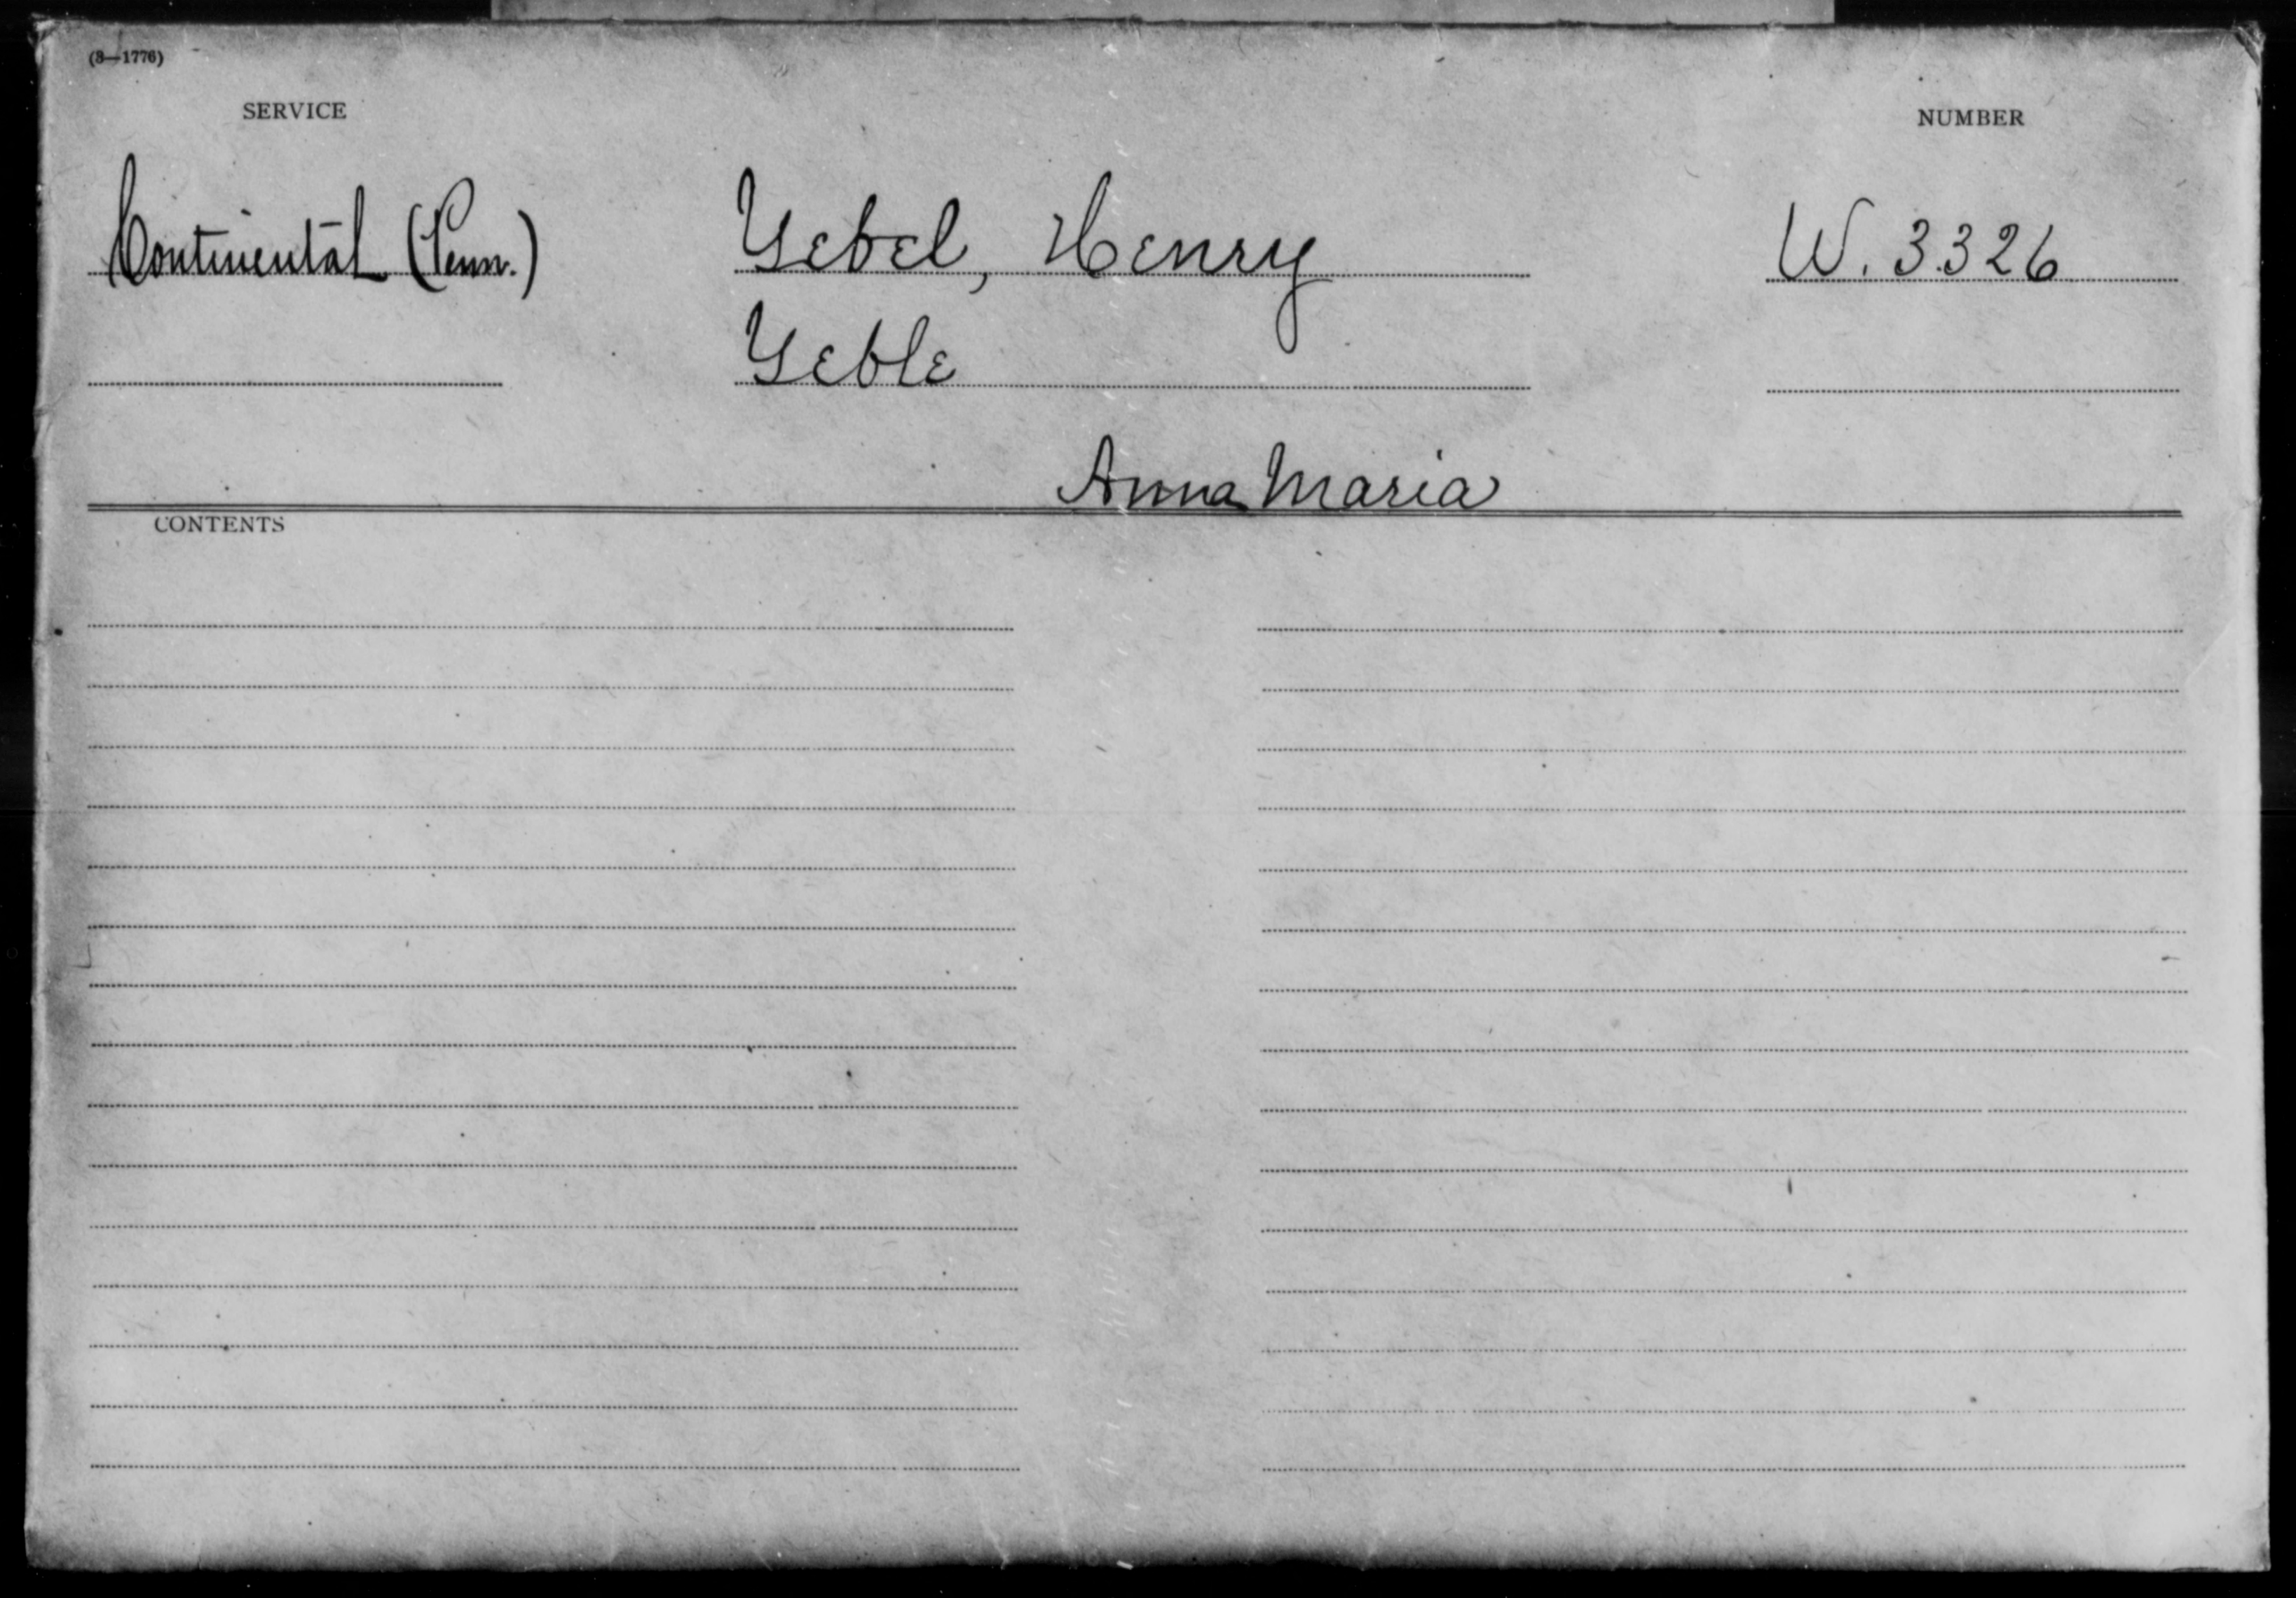Service 
Continental (Penn.)
Yebel, Henry
Yeble
Contents 
Anna Maria
Number
W. 3326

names: Henry Yeble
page: 1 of 75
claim: widow's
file: W. 3326, Henry Yebel, Continental (Penn.)